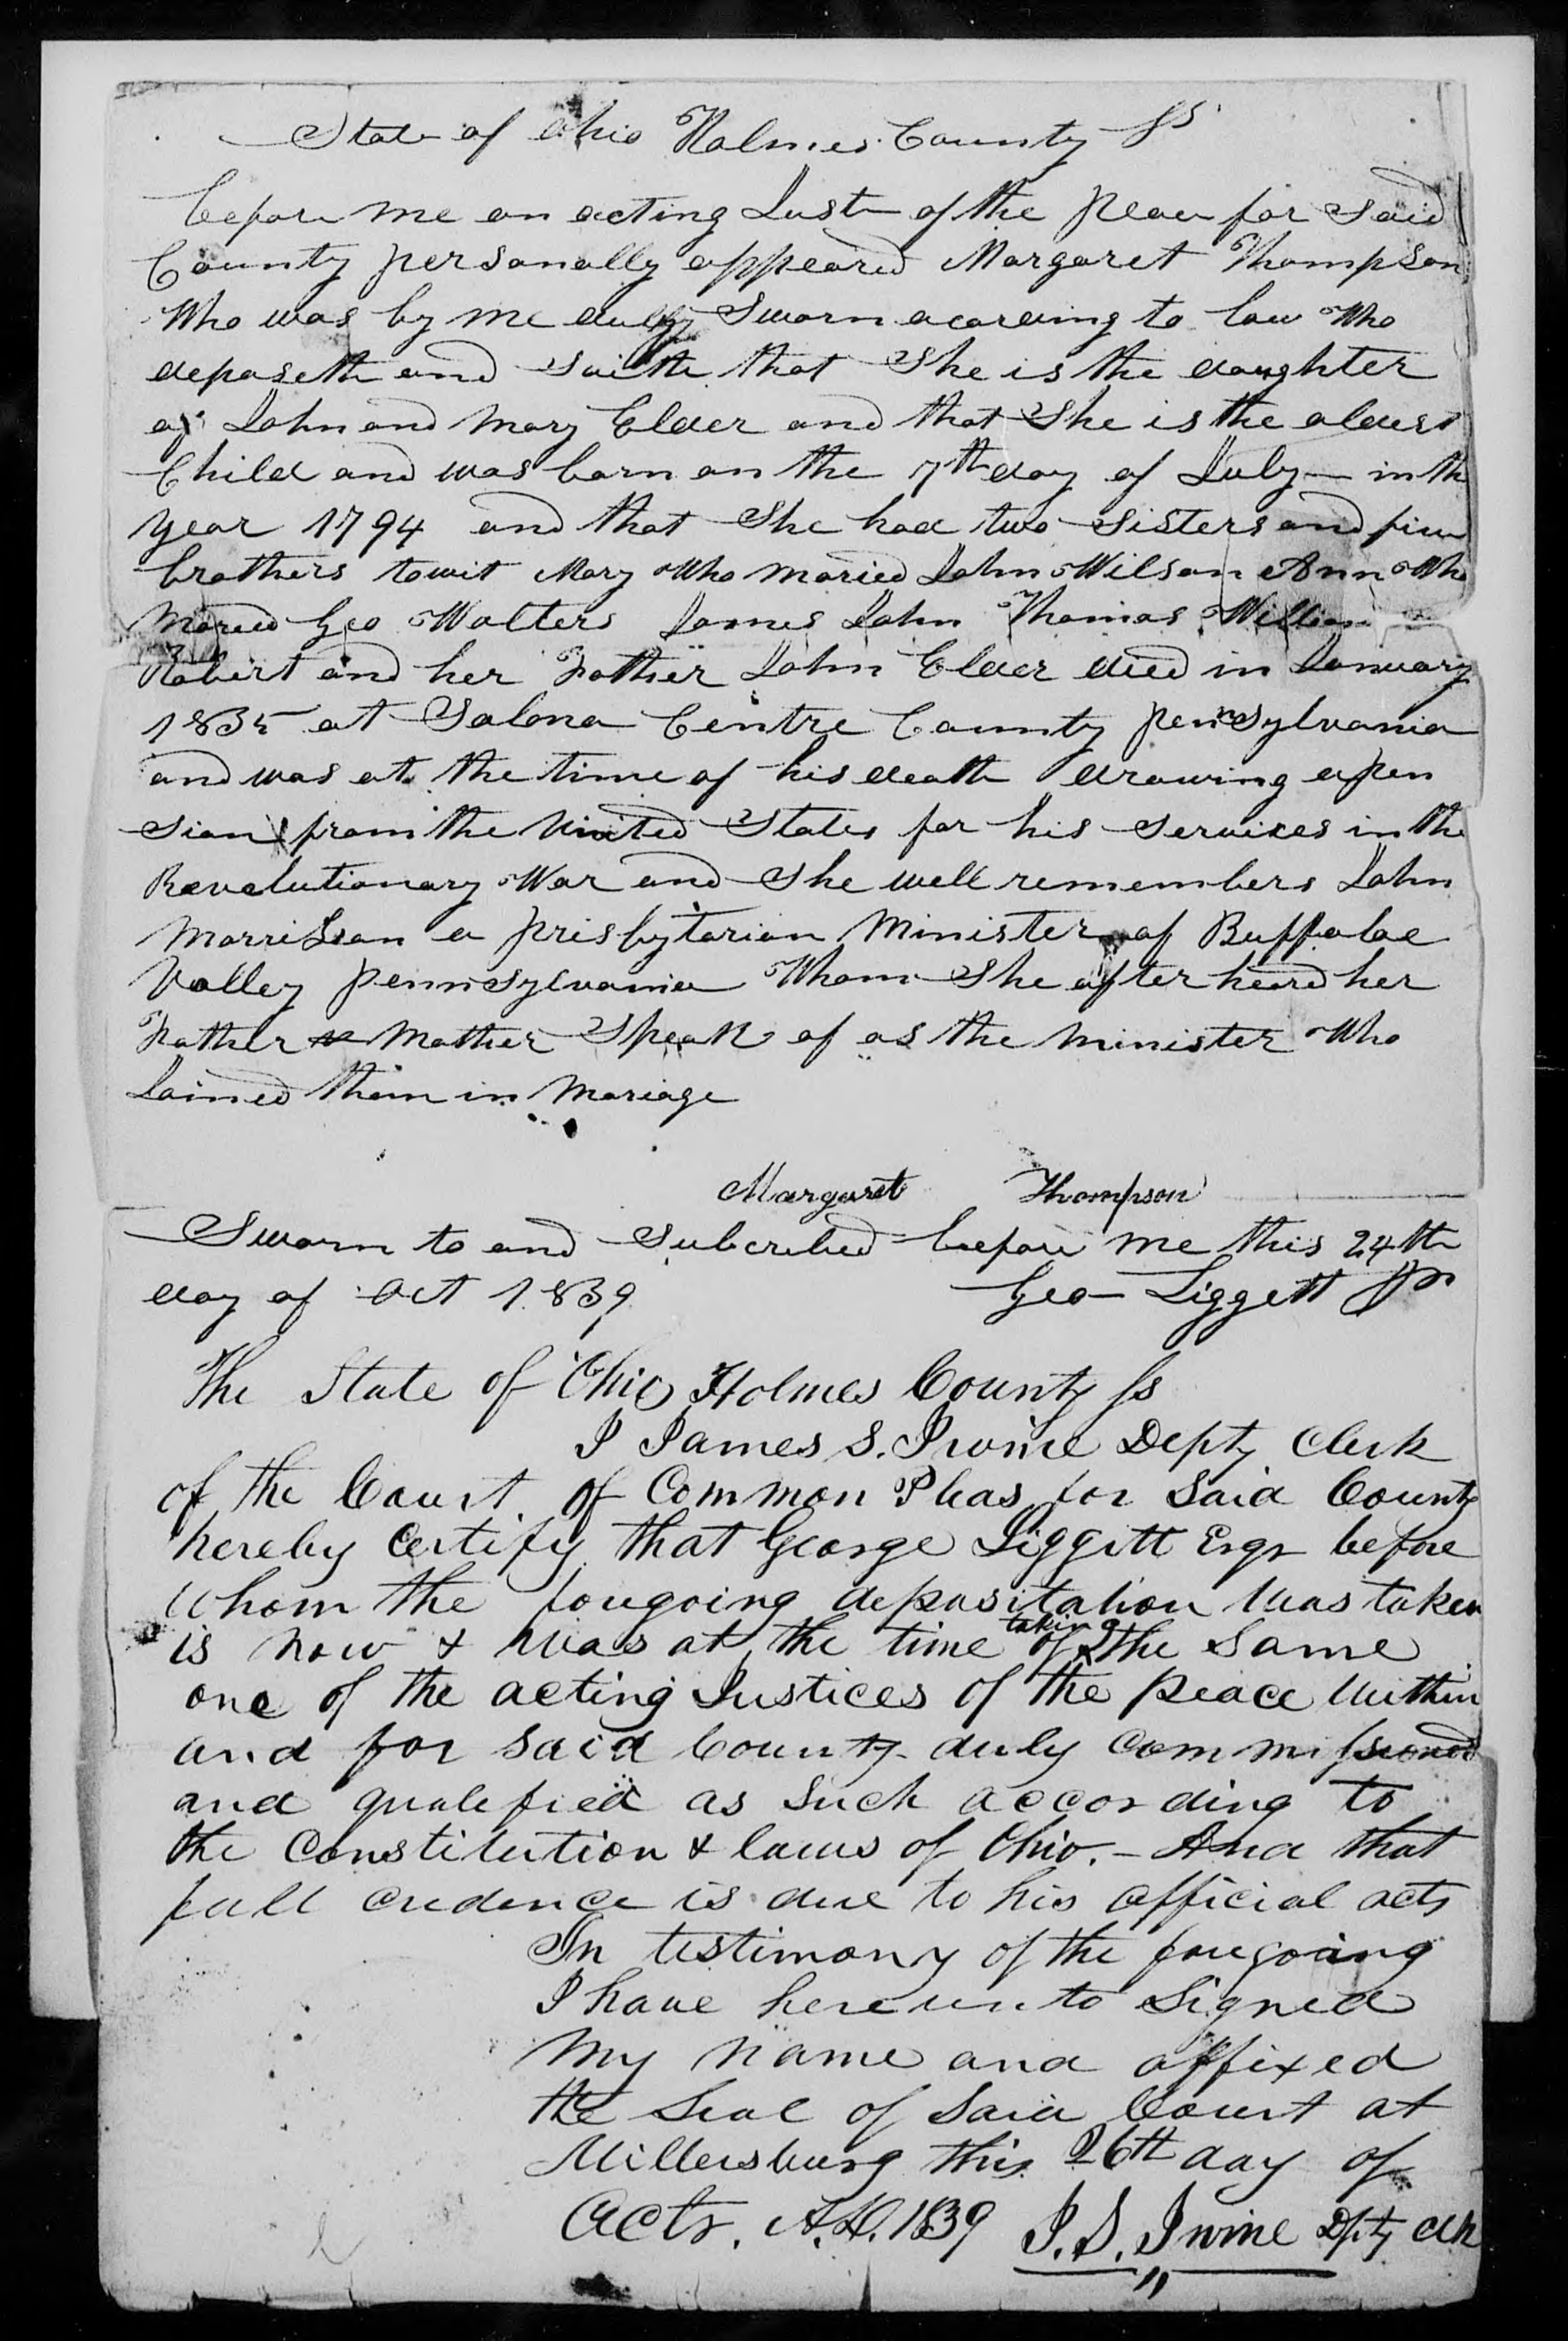State of Ohio Holmes County [illegible]
before me an acting Just of the peace for said County personally appeared Margaret Thompson, who was by me duly sworn according to law who deposeth and saith that she is the daughter of John and Mary Elder and that she is the oldest Child and was born on the 7th day of July - in the year 1794 and that she had two Sisters and five brothers to wit Mary ●who married John Wilson Ann ●who Maried Geo. [George] Walters James John Thomas William Robert and her Father John Elder died in January 1835 at Salena Centre County Pensylvania and was at the time of his death drawing upon [illegible] from the United States for his services in the Revolutionary War and she well remembers John Morrison a Presbytarian Minister of Buffaloe Valley Pennsylvania whom She after heard her Father & Mother speak of as the minister who joined them in Marriage

Margaret Thompson
Sworn to and Subscribed before me this 24th day of Oct 1839
Geo. Liggett Jr

The State of Ohio Holmes County [illegible]
I James S. Irvine Depty Clerk of the Court of Common Pleas for said County hereby certify that George Liggitt Esqr before whom the foregoing depositation was taken is now & was at the time of ^taking the same one of the acting Justices of the peace within and for said County duly commissioned and qualified as such according to the constitution & laws of Ohio. And that full credence is due to his official acts
In testimony of the foregoing I have hereunto signed my name and affixed the Seal of said Court at Millersburg this 26th day of
Octr. A.D. 1839
J. S. Irvine Depty Clk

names: Mary Elder, John, J S Irvine, John Elder, John Wilson, William, Margaret Thompson, Ann, Robert, Mary, Geo Walters, George Liggett, John Morrisson, John Elder, James, Thomas, Margaret Thompson, Geo Liggett, James S Irvine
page: 77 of 80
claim: widow's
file: W. 24117, John Elder, Penn.